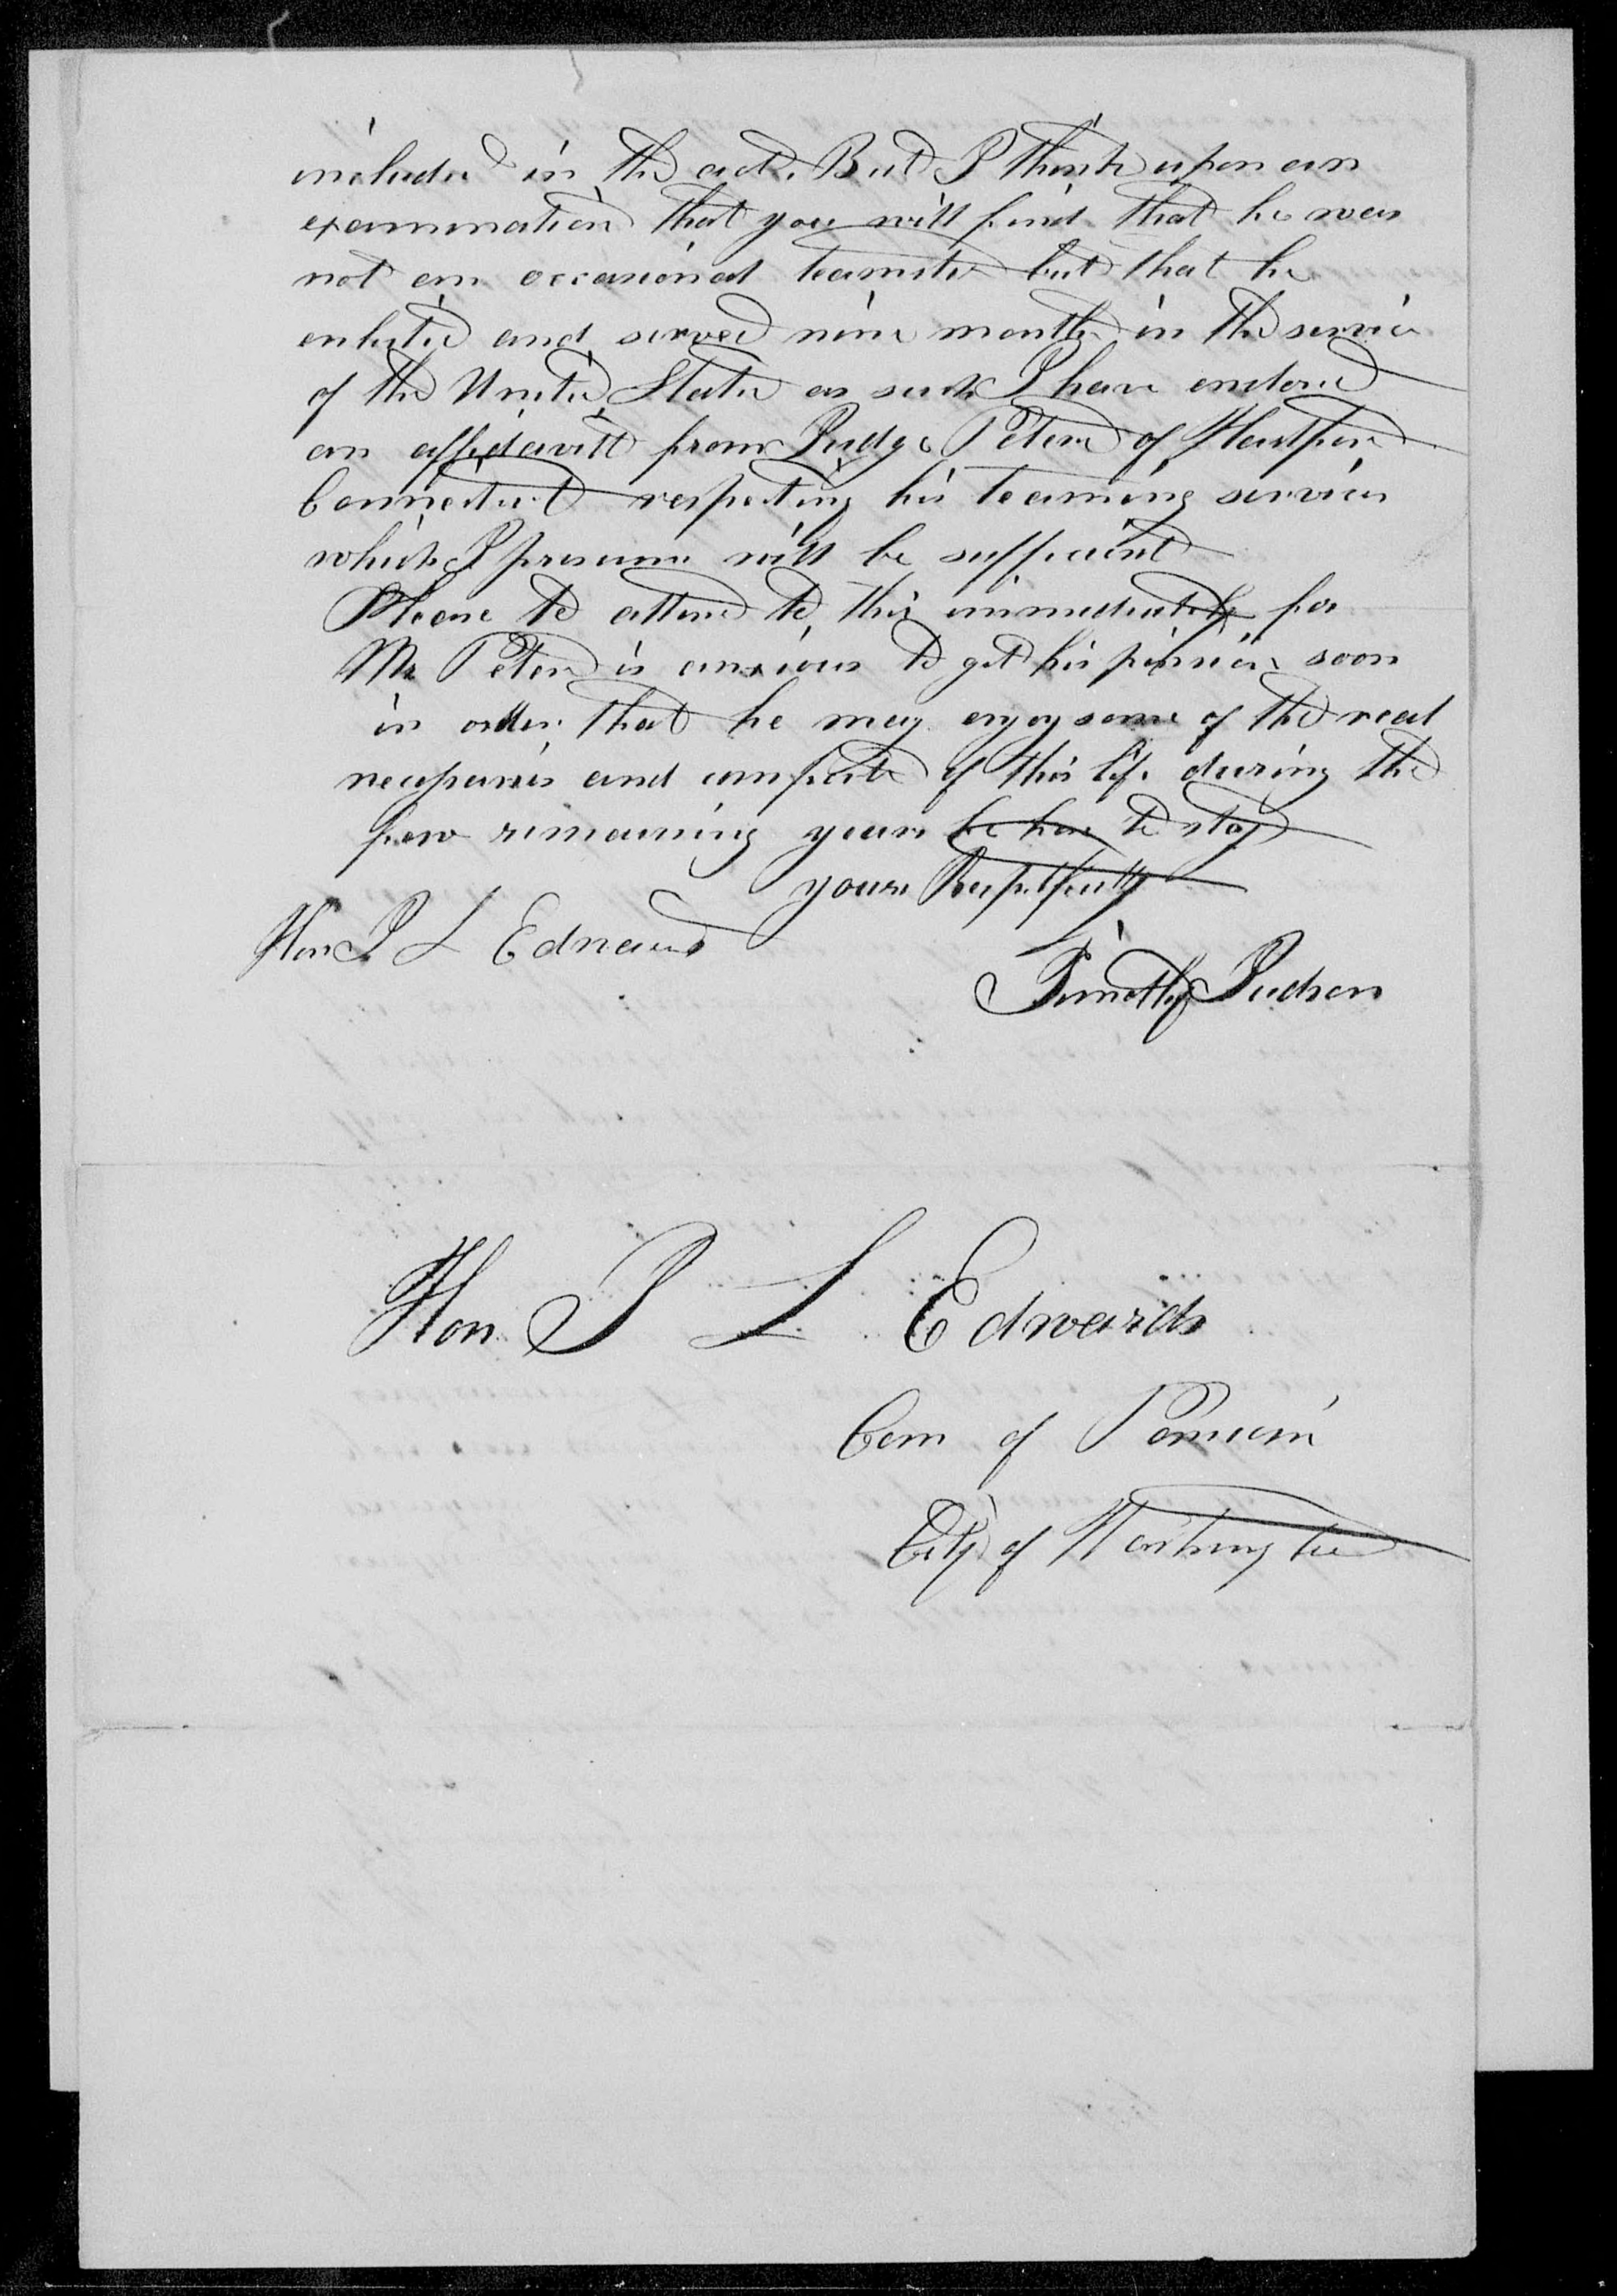included in the act. But I think upon an examination that you will find that he was not an occasional teamster but that he enlisted and served nine month in the service of the United States as such I have enter an affidavitt from Judge Peters of Hartford Connecituct respecting his teaming services which I presume will be sufficient.
Please to attend to this immediately for Mr. Peters is anxious to get his pension soon in order that he may enjoy some of the real necessaries and comforts of this life during the few remaining years he has to stay.
Yours respectfully 
Timothy Judson
Hon J. L Edwards
Hon J L. Edwards Com of Pensions City of Washington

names: [BLANK] Peters; Timothy Judson; J L Edwards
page: 65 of 73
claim: widow's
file: W. 2338, for Joseph P Peters, Connecticut